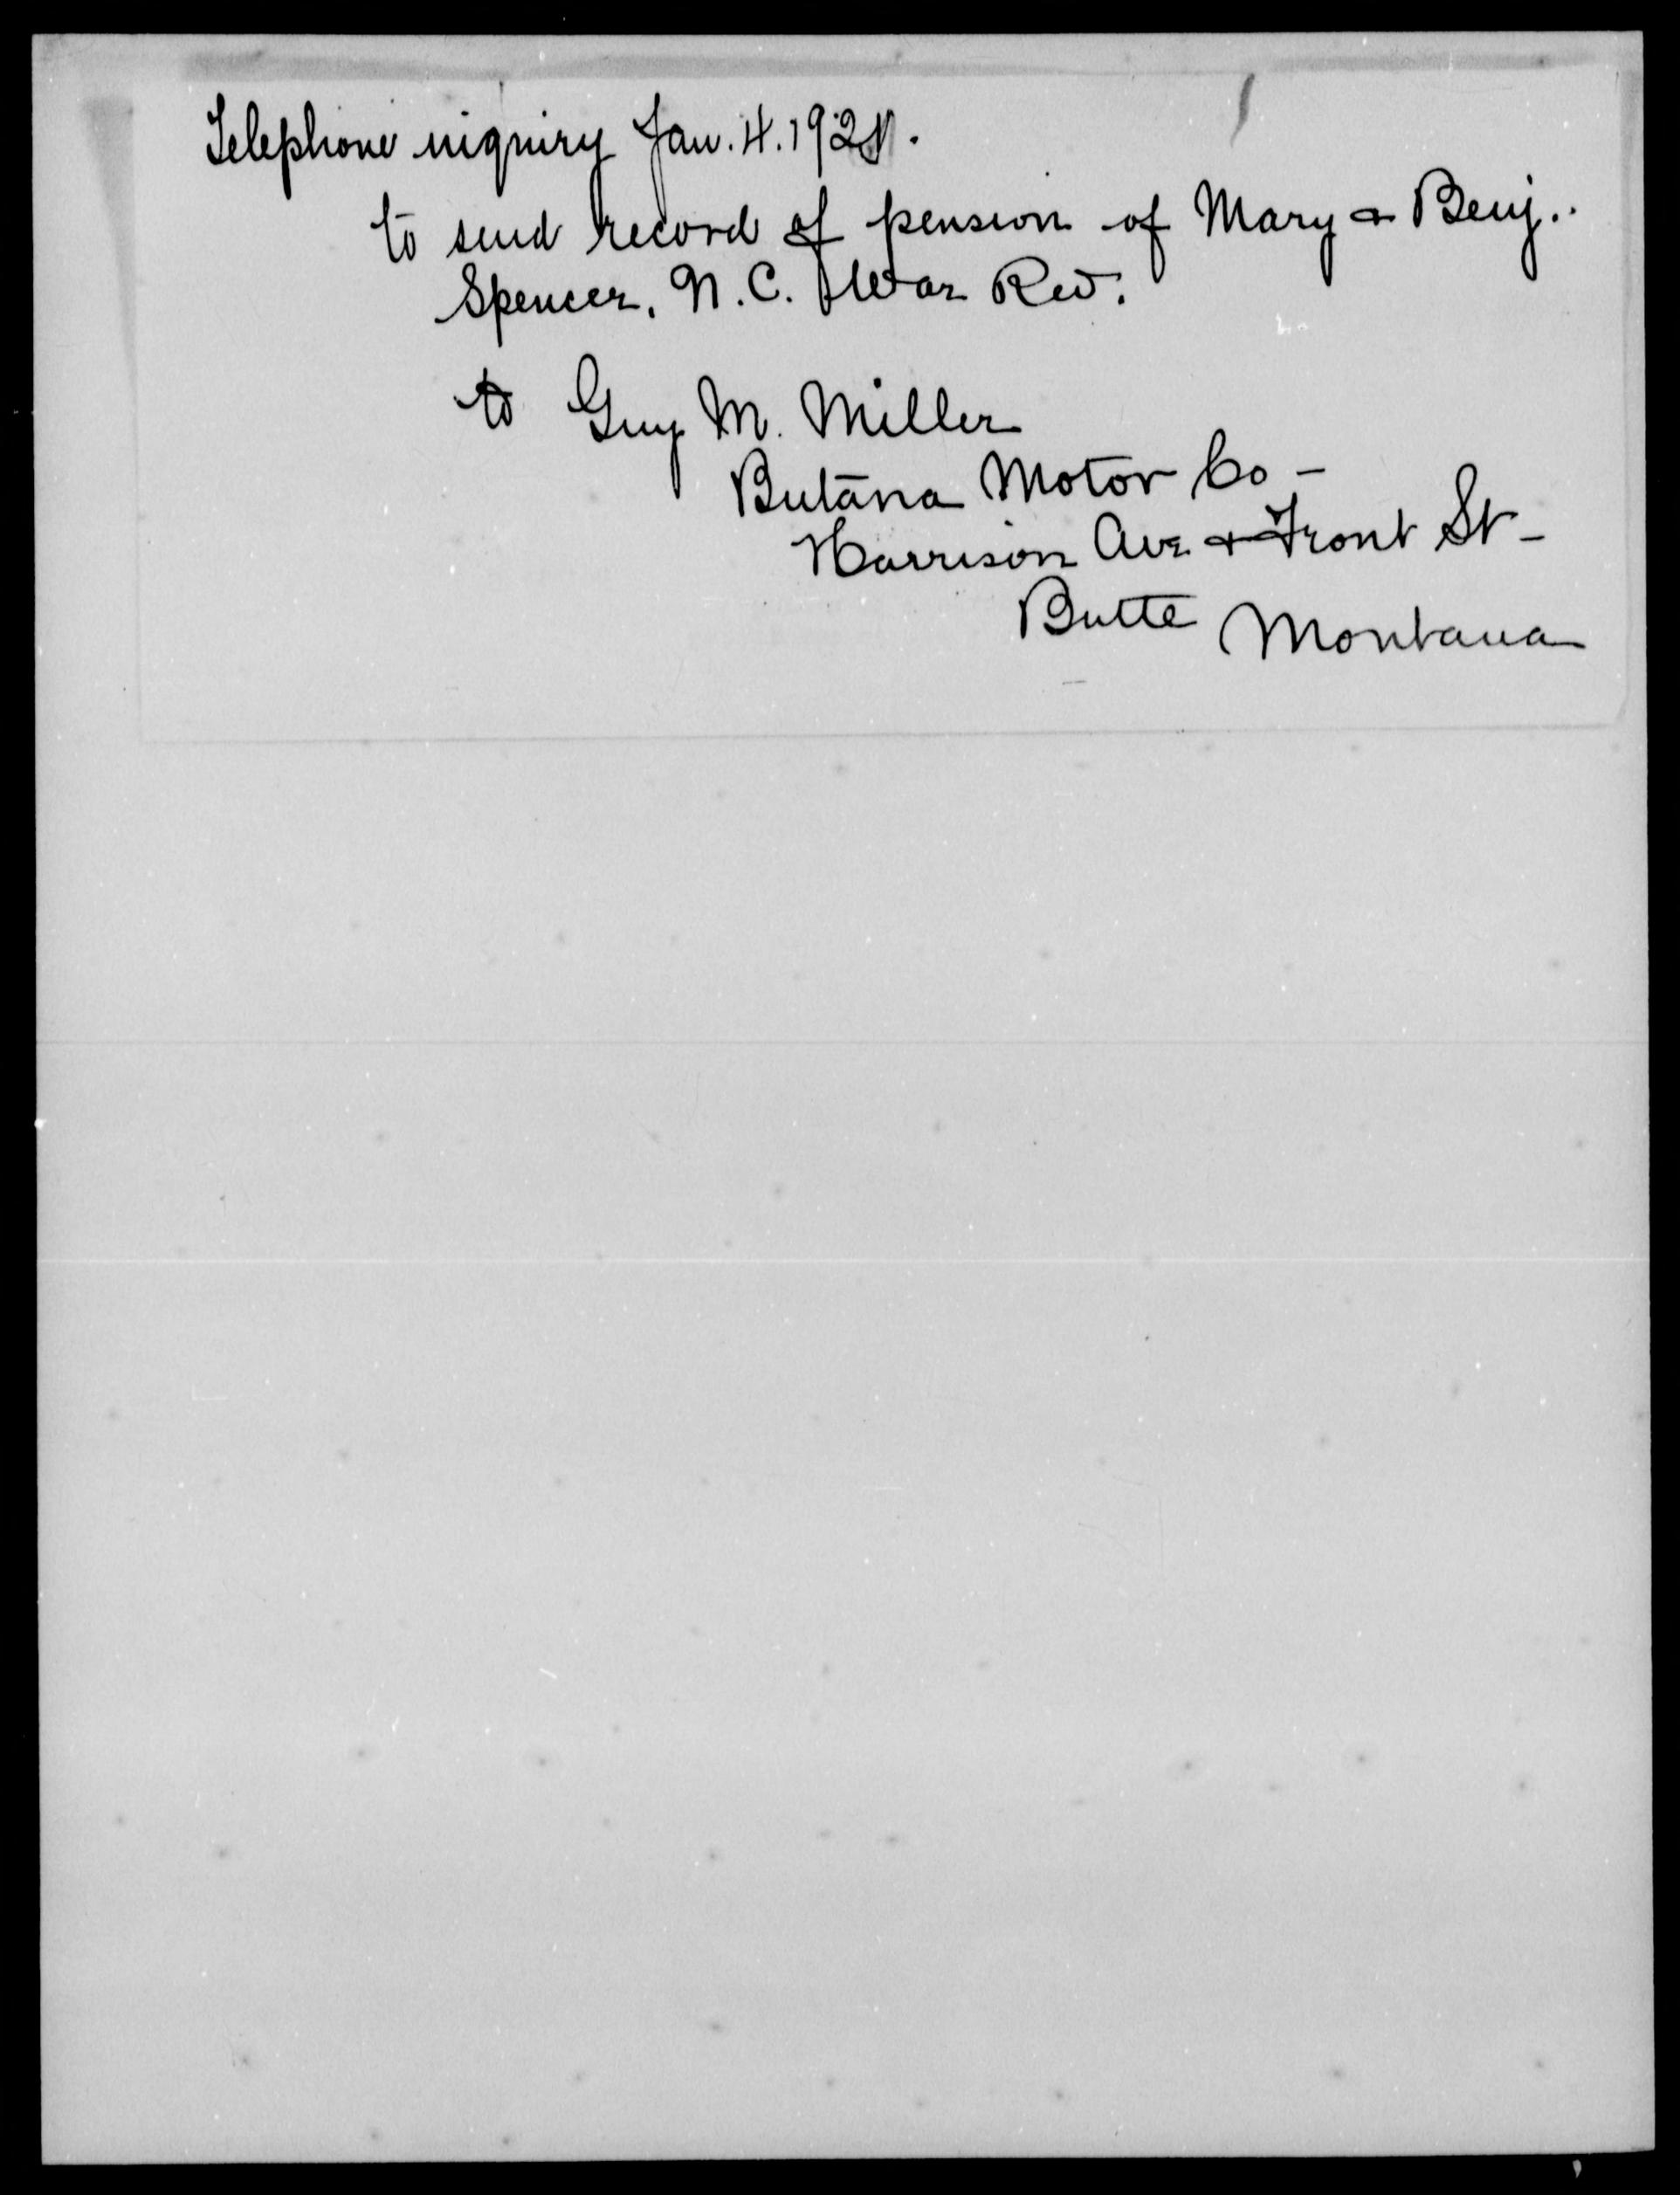Telephone inquiry
Jan. 4. 1920
Spencer N. C. War. Rev.
to Guy M. Miller
Butana Motor Co -
Harrison Ave & Front St.
Butte Montana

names: Benj Spencer; Guy M Miller; Mary Spencer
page: 28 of 63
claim: widow's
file: W. 6158, for Benjamin Spencer, North Carolina